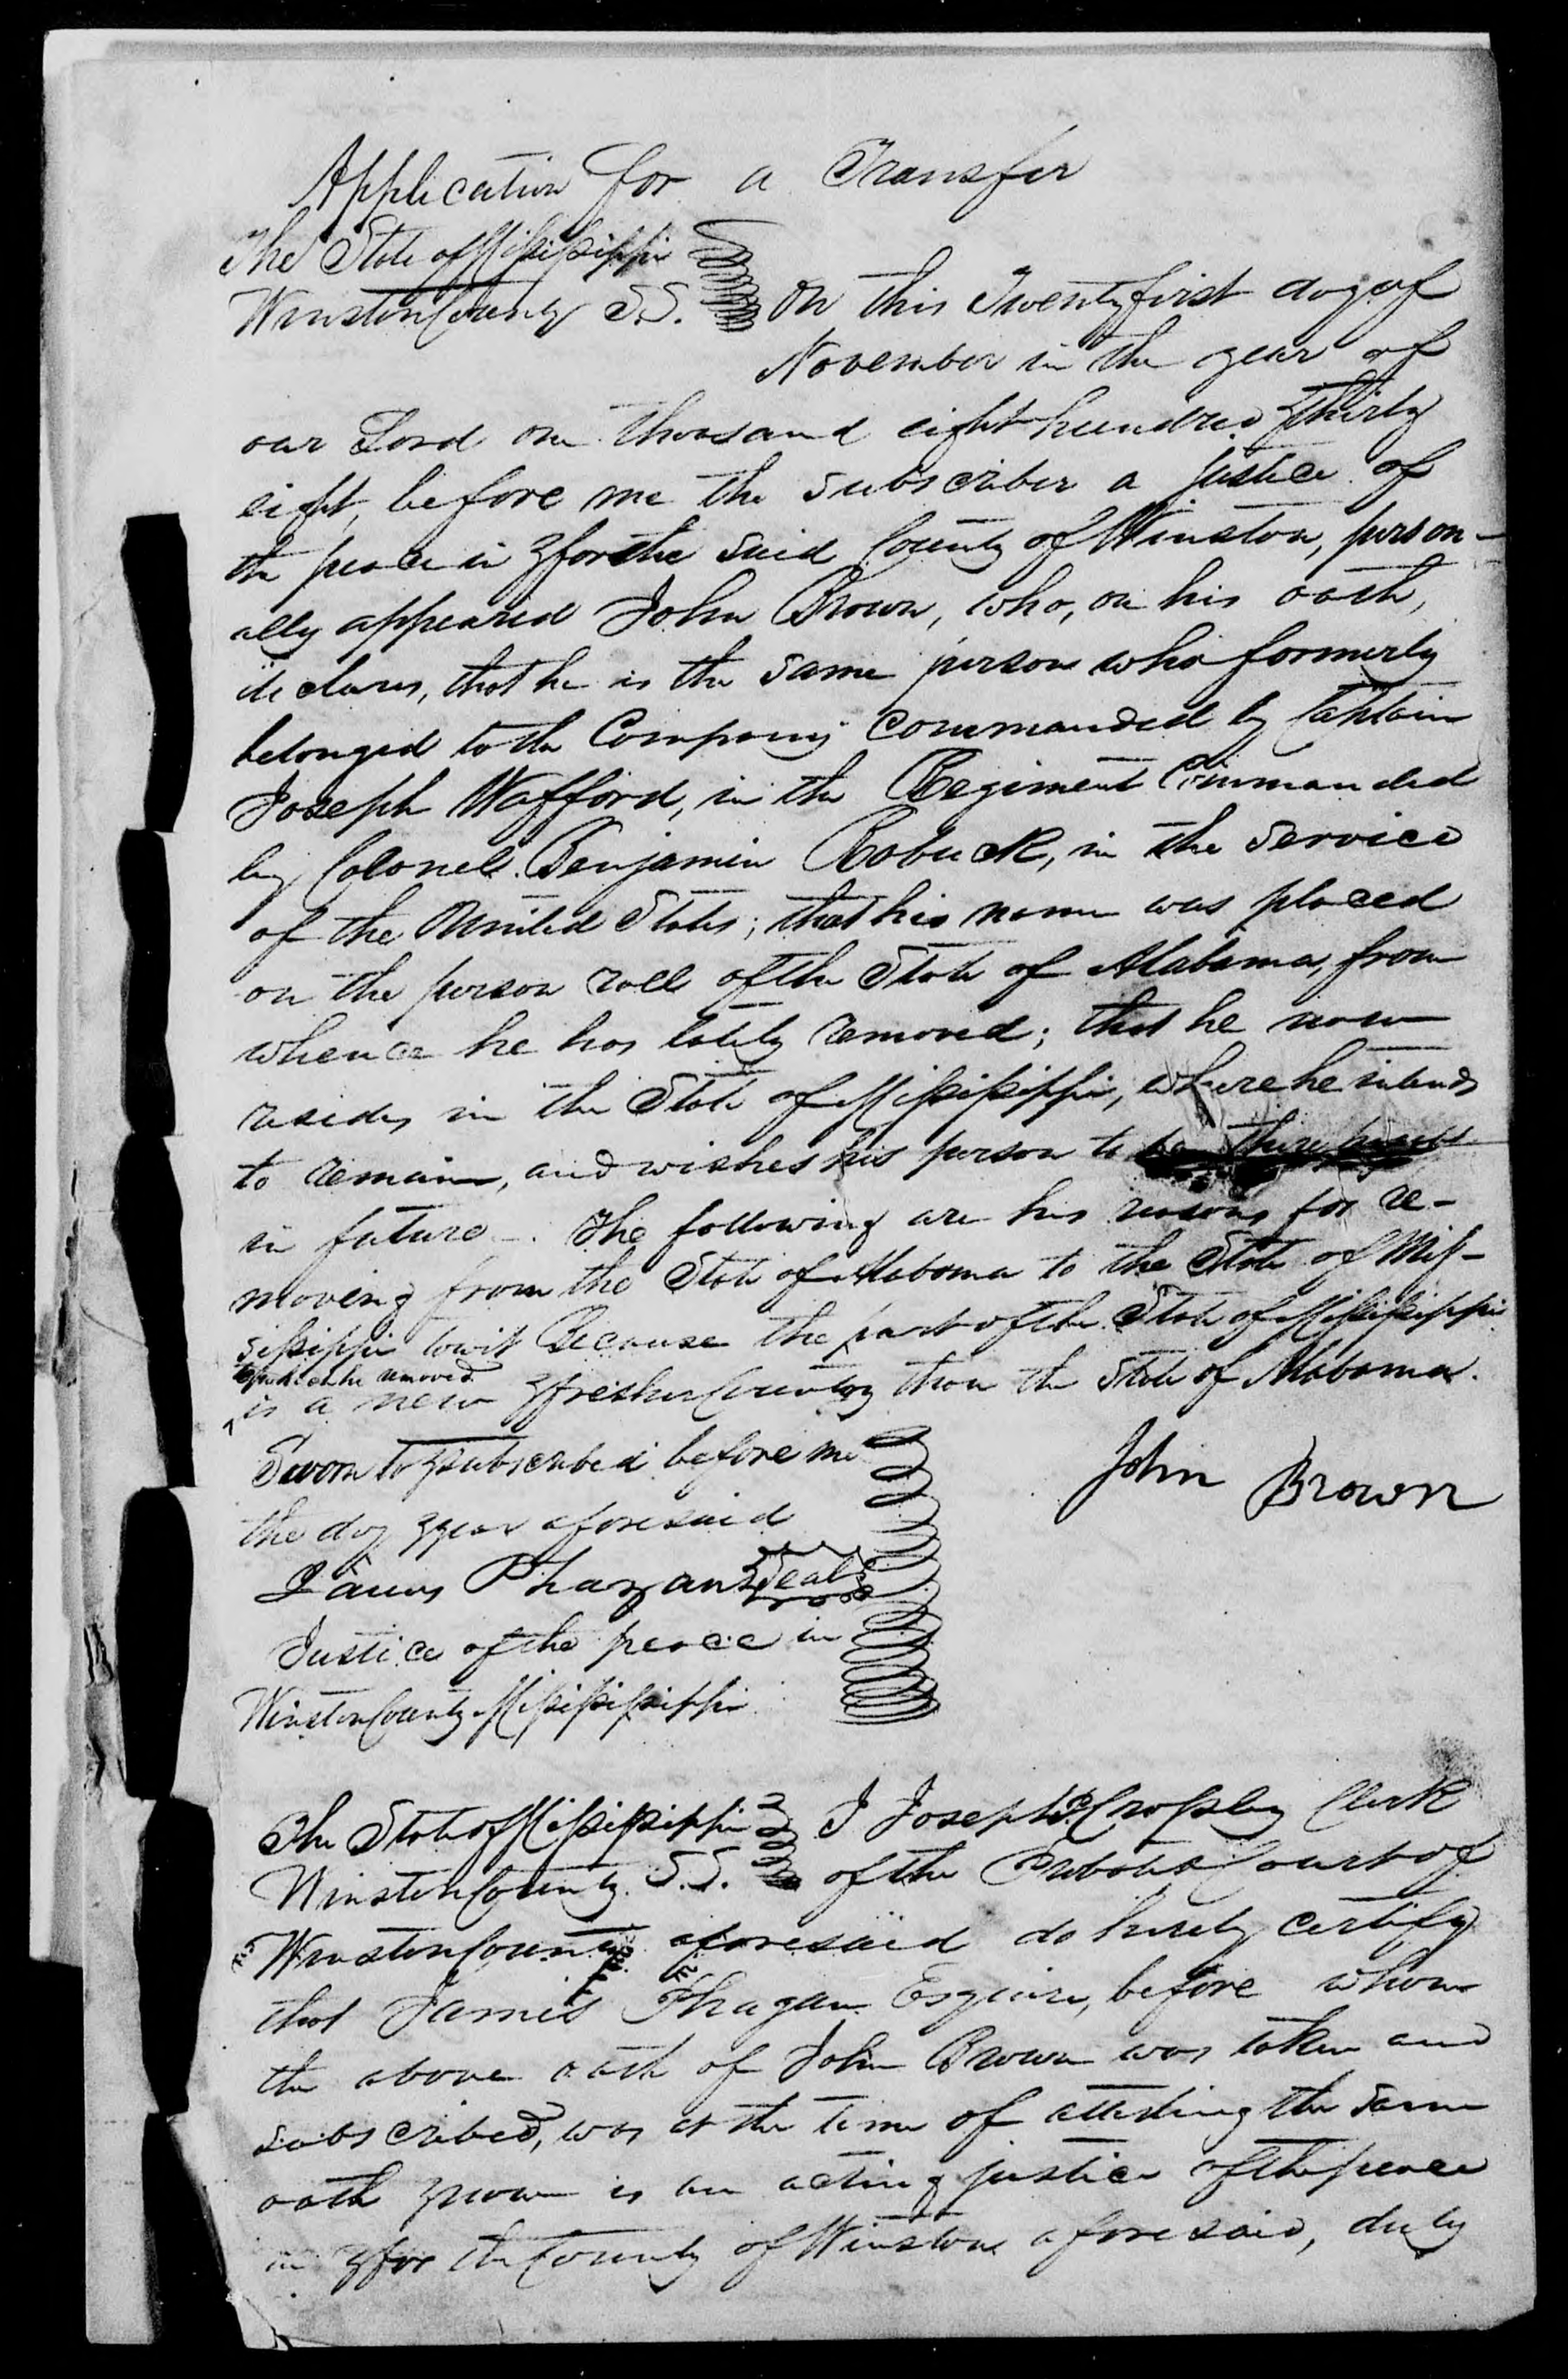Application for a Transfer
The State of Mississippi
Winston County 
On this Twenty first day of November in the year of our Lord one thousand eight hundred thirty eight, before me the subscriber a Justice of the peace in & for the said County of Winston, personally appeared John Brown, who, on his oath, declares, that he is the same person who formerly belonged to the Company commanded Captain Joseph Wofford, in the Regiment commanded by Colonel Benjamin Roebuck, in the service of the United States; that his name was placed on the pension roll of the State of Alabama from whence he has lately removed; that he now resides in the State of Mississippi, where he intends to remain, and wishes his pension to be there [illegible] in future. The following are his reasons for removing from the State of Alabama to the State of Mississippi towit Because the part of the State of Mississippi to which he removed is a new & fresher Country than the State of Alabama. s/John Brown
Sworn to & subscribed before me the day & year aforesaid
s/ James Phagan 
Justice of the Peace in Winston County Mississippi.

The State of Mississippi 
Winston County  I Joseph Crosby Clerk of the Probate Court of Winston County aforesaid do hereby certify
that James Phagan Esquire, before whom the above oath of John Brown was taken and subscribed, was at the time of attesting the same oath & now is an acting Justice of the peace in & for the County of Winston aforesaid, duly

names: James Phagan, Joseph Wafford, John Brown, Joseph Crossley, Benjamin Robuck, James Phagan, John Brown, John Brown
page: 20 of 85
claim: widow's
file: W. 5,906, John Brown, S.C.